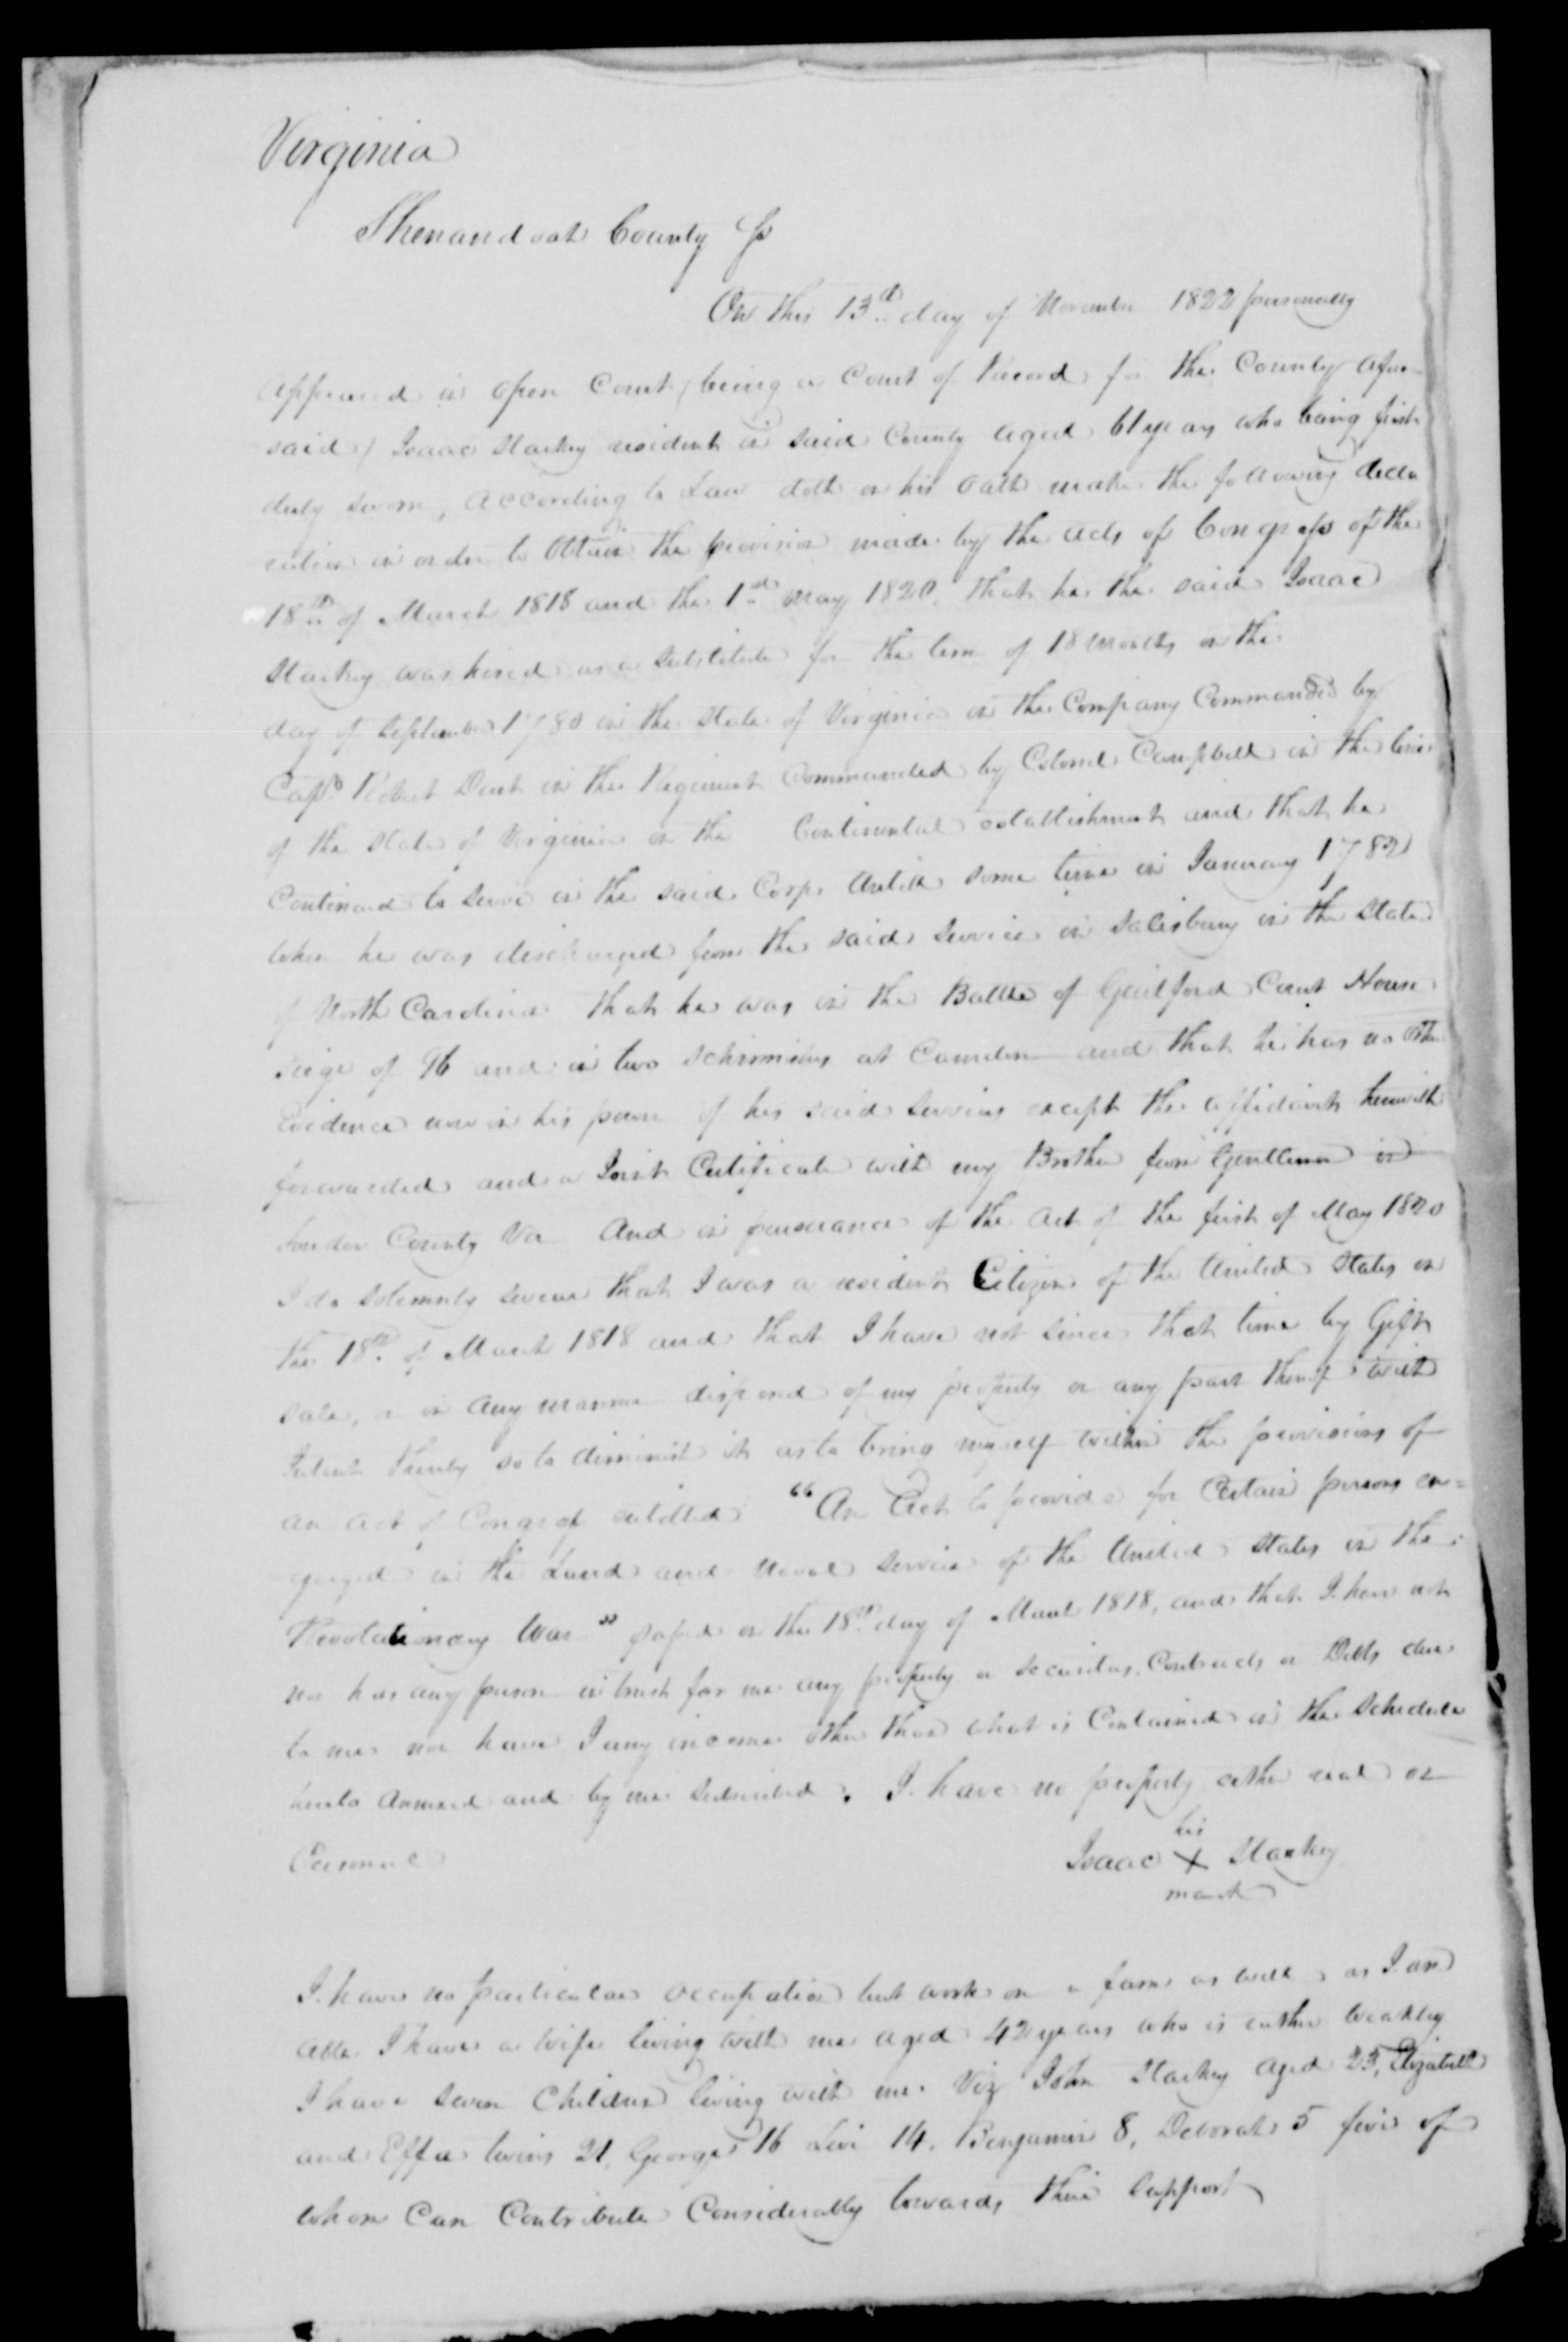Virginia
Shenandoah County
On this 13th day of November, 1822, personally appeared in open court, being a Court of Record for the County aforesaid, Isaac Starkey, resident in said county, aged 61 years, who being first duly sworn, according to law, doth on his oath make the following declaration in order to obtain the provision made by the Acts of Congress as of the 18th of March, 1818 and the 1st May 1820. That he, the said Isaac Starkey was hired as a soldier for the term of 18 months on the [BLANK] day of September, 1780 in the State of Virginia in trhe company commanded by Captain Robert Duet in the Regiment Commanded by Colonel Campbell in the line of the State of Virginia of the Continental Establishment and that he Continued to serve in the said Corps until some time in January 1781 when he was discharged from the said service in Salisbury in the State of North Carolina. That he was in the Battle of Guilford Court House siege of 9th and in two skirmishes at Camden, and that he has as no Evidence was in his power of his said service... this affidavit herewith forwarded, and a vakud certificate with my Brother from Guilford in London County, Va. And in persuance of the Act of the first of May 1820, I do solemnly swear that I was a... Clerk of the United States on the 18th of March 1818, and that I have not since that time by... or in any reason disposed of... any power... with State and County so to claimaint is as tto bring money within the provisions of an Act of Congres titled: "An Act to provide for Certain persons engaged in the land and moved Service of the United States in the Revolutionary War." papers on the 18th day of March 1818.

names: John Starkey; Levi [BLANK]; Deborah [BLANK]; Benjamin [BLANK]; Isaac Starkey; Isaac Starkey; George [BLANK]; Robert Duet; Isaac Starkey; [BLANK] Campbell; Effus Lewis; Elizabeth [BLANK]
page: 5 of 14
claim: survivor's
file: S 40503, for Isaac Starkey, Virginia